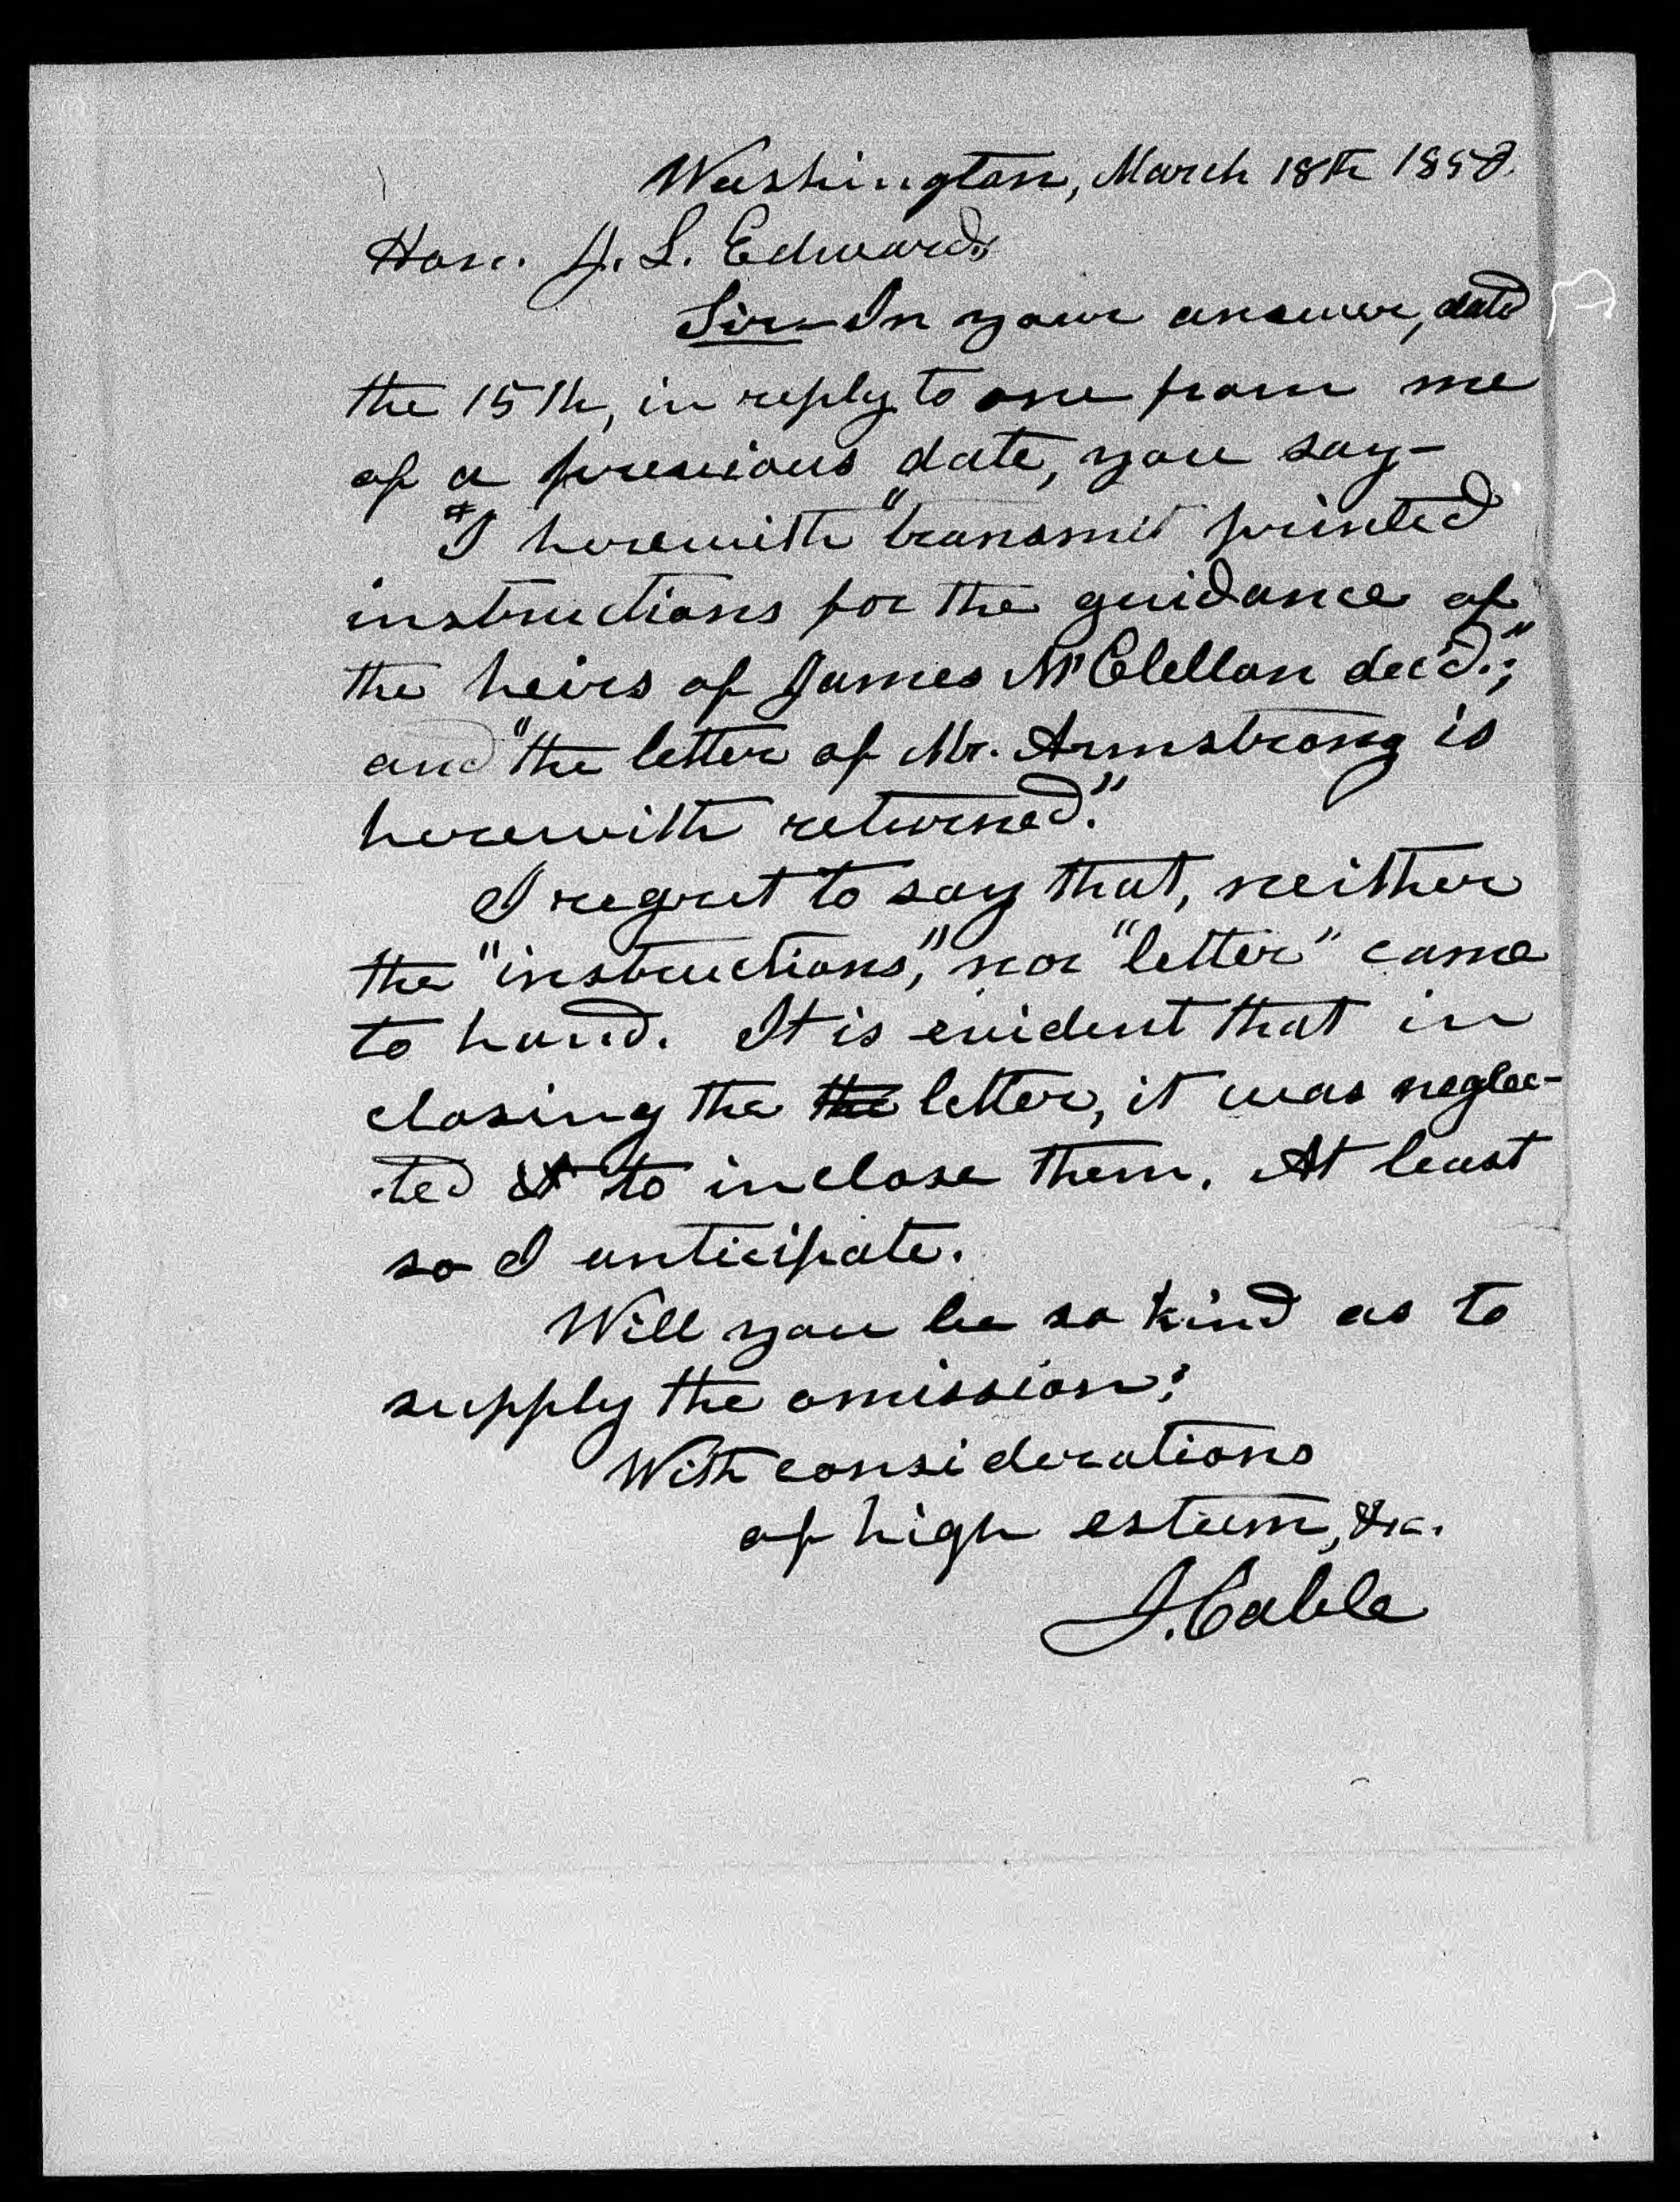Washington, March 18, 1850

Hon J L Edwards,

Sir,

In your answer dated the 15th in reply to one from me of a previous date, you say " I herewith transmit printed instructions for the guidance of the heirs of James McClellan, dec'd" and "the letter of Mr Armstrong is herewith returned".

I regret to say that neither the "instructions" nor "letter" came to hand.  It is evident that in closing the letter, it was neglected to inclose them.  At least so I anticipate.

Will you be so kind as to supply the omission?

With considerations of high esteem,

J Cable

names: J Cable; [BLANK] Armstrong; James Mc Clellan; J L Edwards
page: 11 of 16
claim: survivor's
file: S. 2764, for James Mc Clellan, Pennsylvania